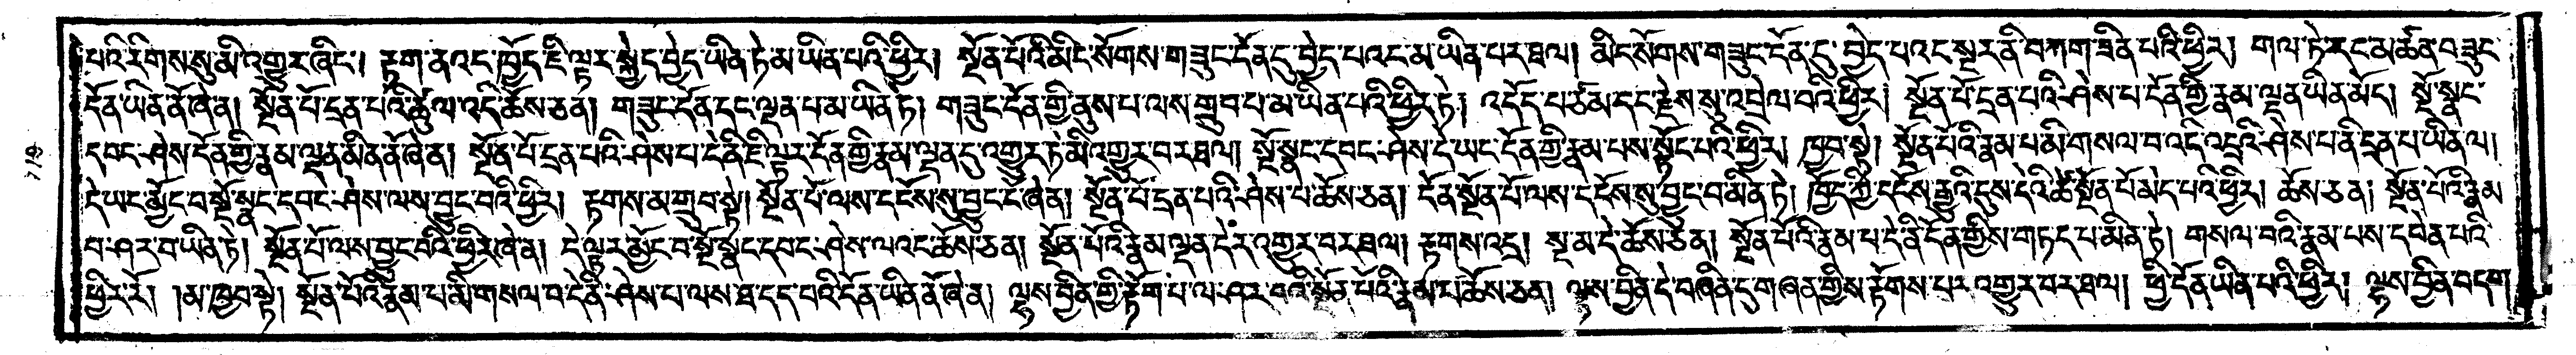པའི་རིགས་སུ་མི་འགྱུར་ཞིང་། རྟག་ནའང་ཁྱོད་ཇི་ལྟར་སྐྱེད་བྱེད་ཡིན་ཏེ་མ་ཡིན་པའི་ཕྱིར། སྔོན་པོའི་མིང་སོགས་གཟུང་དོན་དུ་བྱེད་པའང་མ་ཡིན་པར་ཐལ། མིང་སོགས་གཟུང་དོན་དུ་བྱེད་པའང་སྔར་ནི་བཀག་ཟིན་པའི་ཕྱིར། གལ་ཏེ་རང་མཚན་བཟུང་
དོན་ཡིན་ནོ་ཞེ་ན། སྔོན་པོ་དྲན་པའི་ཚུལ་འདི་ཆོས་ཅན། གཟུང་དོན་དང་ལྡན་པ་མ་ཡིན་ཏེ། གཟུང་དོན་གྱི་ནུས་པ་ལས་གྲུབ་པ་མ་ཡིན་པའི་ཕྱིར་ཏེ། འདོད་པ་ཙམ་དང་རྗེས་སུ་འབྲེལ་པའི་ཕྱིར། སྔོན་པོ་དྲན་པའི་ཤེས་པ་དོན་གྱི་རྣམ་ལྡན་ཡིན་མོད། སྔོ་སྣང་
དབང་ཤེས་དོན་གྱི་རྣམ་ལྡན་མིན་ནོ་ཞེ་ན། སྔོན་པོ་དྲན་པའི་ཤེས་པ་དེ་ནི་ཇི་ལྟར་དོན་གྱི་རྣམ་ལྡན་དུ་འགྱུར་ཏེ་མི་འགྱུར་བར་ཐལ། སྔོ་སྣང་དབང་ཤེས་དེ་ཡང་དོན་གྱི་རྣམ་པས་སྟོང་པའི་ཕྱིར། ཁྱབ་སྟེ། སྔོན་པོའི་རྣམ་པ་མི་གསལ་བ་འདི་འདྲའི་ཤེས་པ་ནི་དྲན་པ་ཡིན་ལ།
དེ་ཡང་མྱོང་བསྔོ་སྣང་དབང་ཤེས་ལས་བྱུང་བའི་ཕྱིར། རྟགས་མ་གྲུབ་སྟེ། སྔོན་པོ་ལས་དངོས་སུ་བྱུང་ངོ་ཞེ་ན། སྔོན་པོ་དྲན་པའི་ཤེས་པ་ཆོས་ཅན། དོན་སྔོན་པོ་ལས་དངོས་སུ་བྱུང་བ་མིན་ཏེ། ཁྱོད་ཀྱི་དངོས་རྒྱུའི་དུས་དེའི་ཚེ་སྔོན་པོ་མེད་པའི་ཕྱིར། ཆོས་ཅན། སྔོན་པོའི་རྣམ་
པ་ཤར་བ་ཡིན་ཏེ། སྔོན་པོ་ལས་བྱུང་བའི་ཕྱིར་ཞེ་ན། དེ་ལྟར་མྱོང་བ་སྔོ་སྣང་དབང་ཤེས་ལའང་ཆོས་ཅན། སྔོན་པོའི་རྣམ་ལྡན་དེར་འགྱུར་བར་ཐལ། རྟགས་འདྲ། སྔ་མ་དེ་ཆོས་ཅན། སྔོན་པོའི་རྣམ་པ་དེ་ནི་དོན་གྱིས་གཏད་པ་མིན་ཏེ། གསལ་བའི་རྣམ་པས་དབེན་པའི་
ཕྱིར་རོ། །མ་ཁྱབ་སྟེ། སྔོན་པོའི་རྣམ་པ་མི་གསལ་བ་དེ་ནི་ཤེས་པ་ལས་ཐ་དད་པའི་དོན་ཡིན་ནོ་ཞེ་ན། ལྷས་བྱིན་གྱི་རྟོག་པ་ལ་ཤར་བའི་སྔོན་པོའི་རྣམ་པ་ཆོས་ཅན། ལྷས་བྱིན་དེ་བཞིན་དུ་གཞན་གྱིས་རྟོགས་པར་འགྱུར་བར་ཐལ། ཕྱི་དོན་ཡིན་པའི་ཕྱིར། ལྷས་བྱིན་བདག་